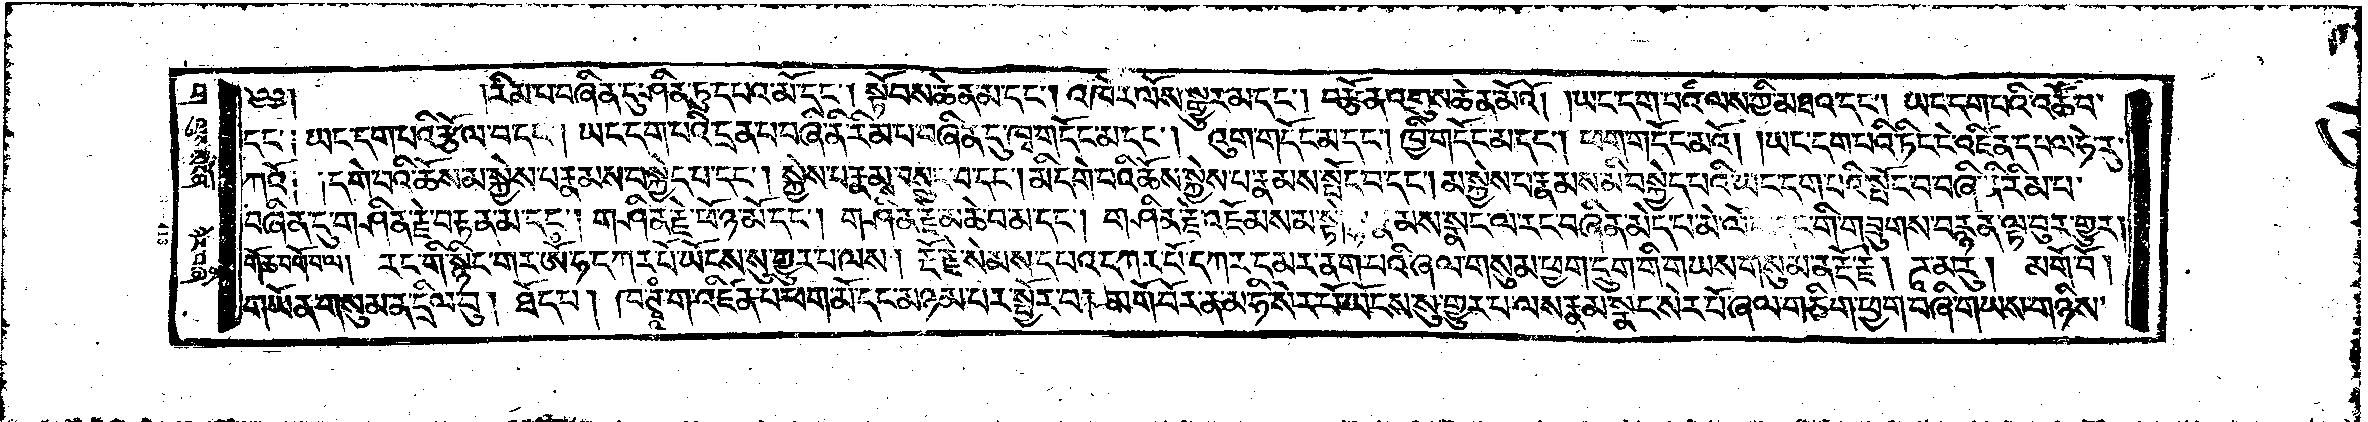༄༅། །རིམ་པ་བཞིན་དུ་ཤིན་ཏུ་དཔའ་མོ་དང་། སྟོབས་ཆེན་མ་དང་།འཁོར་ལོས་སྒྱུར་མ་དང་། བརྩོན་འགྲུས་ཆེན་མོའོ། །ཡང་དག་པའི་ལས་ཀྱི་མཐའ་དང་། ཡང་དག་པའི་འཚོ་བ་
དང༑ ཡང་དག་པའི་རྩོལ་པ་དང་། ཡང་དག་པའི་དྲན་པ་བཞི་ནི་རིམ་པ་བཞིན་དུ་ཁྭ་གདོང་མ་དང་། འུག་གདོང་མ་དང་། ཁྱི་གདོང་མ་དང་། ཕག་གདོང་མའོ། །ཡང་དག་པའི་ཏིང་ངེ་འཛིན་དཔལ་ཧེ་རུ་
ཀའོ༑ ༑དགེ་བའི་ཆོས་མ་སྐྱེས་པ་རྣམས་བསྐྱེད་པ་དང་། སྐྱེས་པ་རྣམས་བསྲུང་བ་དང་། མི་དགེ་བའི་ཆོས་སྐྱེས་པ་རྣམས་སྤོང་བ་དང་། མ་སྐྱེས་པ་རྣམས་མི་བསྐྱེད་པའི་ཡང་དག་པའི་སྤོང་བ་བཞི་ནི་རིམ་པ་
བཞིན་དུ་གཤིན་རྗེ་བརྟན་མ་དང་། གཤིན་རྗེ་ཕོ་ཉ་མོ་དང་། གཤིན་རྗེ་མཆེ་བ་མ་དང་། གཤིན་རྗེ་འཇོམས་མ་སྟེ། ལྷ་རྣམས་སྣང་ལ་རང་བཞིན་མེད་པ་མེ་ལོང་ནང་གི་གཟུགས་བརྙན་ལྟ་བུར་གྱུར།
གོ་ཆ་བགོ་བ་ལ།  རང་གི་སྙིང་གར་ཨོཾ་ཧ་དཀར་པོ་ཡོངས་སུ་གྱུར་པ་ལས། རྡོ་རྗེ་སེམས་དཔའ་དཀར་པོ་དཀར་དམར་ནག་པའི་ཞལ་གསུམ་ཕྱག་དྲུག་གི་གཡས་གསུམ་ན་རྡོ་རྗེ། ཌཱ་མ་རུ། མགོ་བོ།
གཡོན་གསུམ་ན་དྲིལ་བུ། ཐོད་པ། ཁ་ཊྭཱཾ་ག་འཛིན་པ་ཕག་མོ་དང་མཉམ་པར་སྦྱོར་བ། མགོ་བོར་ན་མ་ཧི་སེར་པོ་ཡོངས་སུ་གྱུར་པ་ལས་རྣམ་སྣང་སེར་པོ་ཞལ་གཅིག་ཕྱག་བཞི་གཡས་གཉིས་